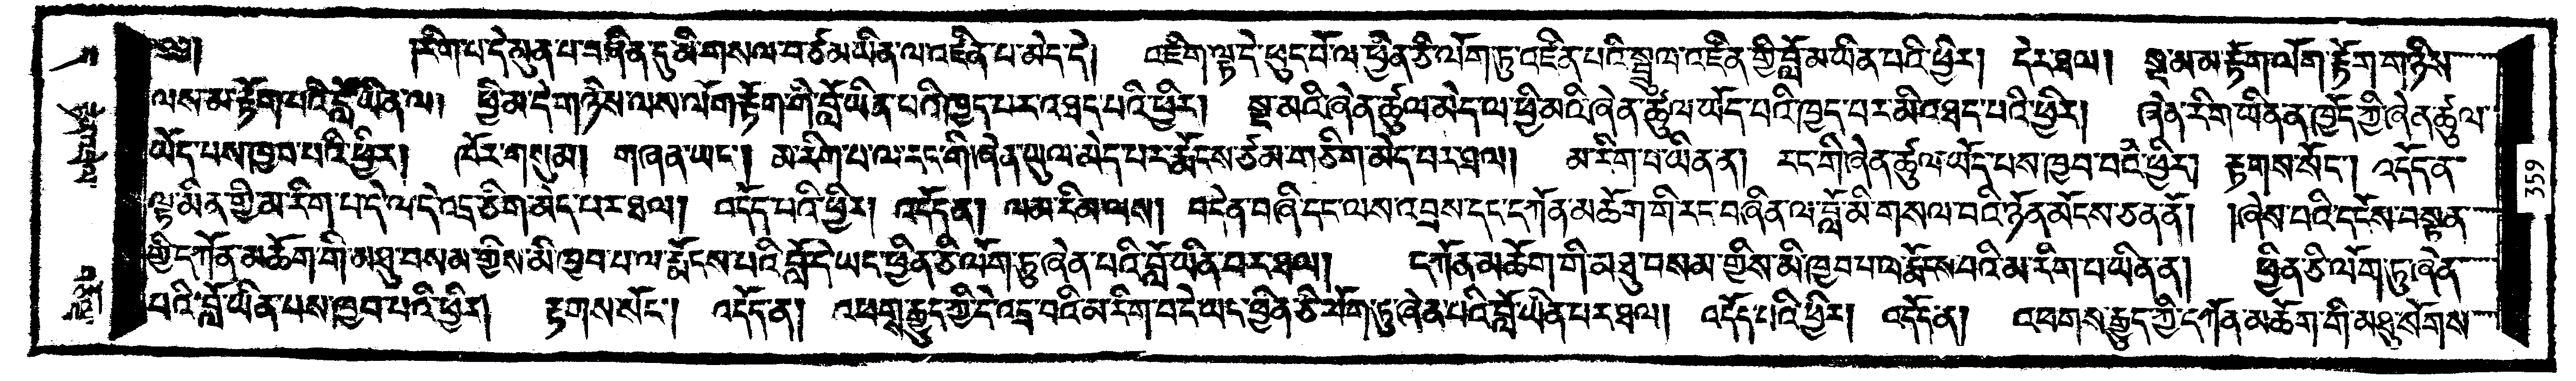༄༅། །རིག་པ་དེ་མུན་པ་བཞིན་དུ་མི་གསལ་བ་ཙམ་ཡིན་ལ་འཛིན་པ་མེད་དེ། འཇིག་ལྟ་དེ་ཕུང་པོ་ལ་ཕྱིན་ཅི་ལོག་ཏུ་འཛིན་པའི་སྦྲུལ་འཛིན་གྱི་བློ་མ་ཡིན་པའི་ཕྱིར། དེར་ཐལ། སྔ་མ་མ་རྟོག་ལོག་རྟོག་གཉིས་
ལས་མ་རྟོག་པའི་བློ་ཡིན་ལ། ཕྱི་མ་དེ་གཉིས་ལས་ལོག་རྟོག་གི་བློ་ཡིན་པའི་ཁྱད་པར་འཐད་པའི་ཕྱིར། སྔ་མའི་ཞེན་ཚུལ་མེད་ལ་ཕྱི་མའི་ཞེན་ཚུལ་ཡོད་པའི་ཁྱད་པར་མི་འཐད་པའི་ཕྱིར། ཞེན་རིག་ཡིན་ན་ཁྱོད་ཀྱི་ཞེན་ཚུལ་
ཡོད་པས་ཁྱབ་པའི་ཕྱིར། ཁོར་གསུམ། གཞན་ཡང་། མ་རིག་པ་ལ་རང་གི་ཞེན་ཡུལ་མེད་པར་རྨོངས་ཙམ་གཅིག་མེད་པར་ཐལ། མ་རིག་པ་ཡིན་ན། རང་གི་ཞེན་ཚུལ་ཡོད་པས་ཁྱབ་པའི་ཕྱིར། རྟགས་སོང་། འདོད་ན་
ལྟ་མིན་གྱི་མ་རིག་པ་དེ་ལ་དེ་འདྲ་ཅིག་མེད་པར་ཐལ། འདོད་པའི་ཕྱིར། འདོད་ན། ལམ་རིམ་ལས། བདེན་བཞི་དང་ལས་འབྲས་དང་དཀོན་མཆོག་གི་རང་བཞིན་ལ་བློ་མི་གསལ་བའི་ཉོན་མོངས་ཅན་ནོ། །ཞེས་པའི་དངོས་བསྟན་
གྱི་དཀོན་མཆོག་གི་མཐུ་བསམ་གྱིས་མི་ཁྱབ་པ་ལ་རྨོངས་པའི་བློ་དེ་ཡང་ཕྱིན་ཅི་ལོག་ཏུ་ཞེན་པའི་བློ་ཡིན་པར་ཐལ། དཀོན་མཆོག་གི་མཐུ་བསམ་གྱིས་མི་ཁྱབ་པ་ལ་རྨོངས་པའི་མ་རིག་པ་ཡིན་ན། ཕྱིན་ཅི་ལོག་ཏུ་ཞེན་
པའི་བློ་ཡིན་པས་ཁྱབ་པའི་ཕྱིར། རྟགས་སོང་། འདོད་ན། འཕགས་རྒྱུད་ཀྱི་དེ་འདྲ་བའི་མ་རིག་པ་དེ་ཡང་ཕྱིན་ཅི་ལོག་ཏུ་ཞེན་པའི་བློ་ཡིན་པར་ཐལ། འདོད་པའི་ཕྱིར། འདོད་ན། འཕགས་རྒྱུད་ཀྱི་དཀོན་མཆོག་གི་མཐུ་སོགས་